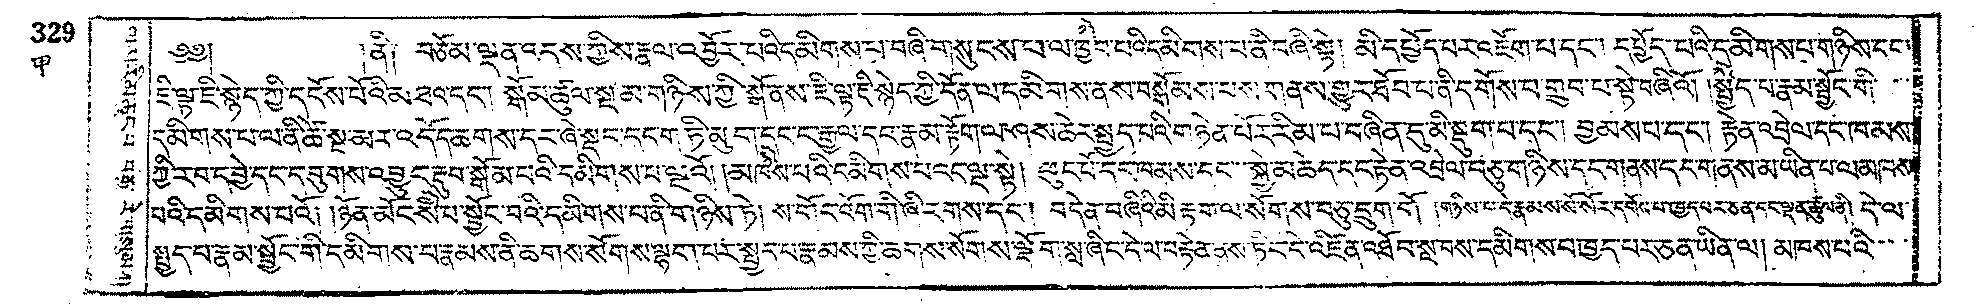༄༅། །ནི༑ བཅོམ་ལྡན་འདས་ཀྱིས་རྣལ་འབྱོར་པའི་དམིགས་པ་བཞི་གསུངས་པ་ལ་ཁྱབ་པའི་དམིགས་པ་ནི་བཞི་སྟེ། མི་དཔྱོད་པར་འཇོག་པ་དང་། དཔྱོད་པའི་དམིགས་པ་གཉིས་དང་།
ཇི་ལྟ་ཇི་སྙེད་ཀྱི་དངོས་པོའི་མཐའ་དང་། སྒོམ་ཚུལ་སྔ་མ་གཉིས་ཀྱི་སྒོ་ནས་ཇི་ལྟ་ཇི་སྙེད་ཀྱི་དོན་ལ་དམིགས་ནས་བསྒོམས་པས་གནས་གྱུར་ཐོབ་པ་ནི་དགོས་པ་གྲུབ་པ་སྟེ་བཞིའོ། །སྤྱད་པ་རྣམ་སྦྱོང་གི་
དམིགས་པ་ལ་ནི་ཚེ་སྔ་མར་འདོད་ཆགས་དང་ཞེ་སྡང་དང་གཏི་མུག་དང་ང་རྒྱལ་དང་རྣམ་རྟོག་ལ་ཤས་ཆེར་སྤྱད་པའི་གཉེན་པོར་རིམ་པ་བཞིན་དུ་མི་སྡུག་པ་དང་། བྱམས་པ་དང་། རྟེན་འབྲེལ་དང་ཁམས་
ཀྱི་རབ་དབྱེ་དང་དབུགས་འབྱུང་རྡུབ་སྒོམ་པའི་དམིགས་པ་ལྔའོ། །མཁས་པའི་དམིགས་པའང་ལྔ་སྟེ། ཕུང་པོ་དང་ཁམས་དང་སྐྱེ་མཆེད་དང་རྟེན་འབྲེལ་བཅུ་གཉིས་དང་གནས་དང་གནས་མ་ཡིན་པ་ལ་མཁས་
པའི་དམིགས་པའོ། །ཉོན་མོངས་པ་སྦྱོང་བའི་དམིགས་པ་ནི་གཉིས་ཏེ། ས་གོང་འོག་གི་ཞི་རགས་དང་། བདེན་བཞིའི་མི་རྟག་ལ་སོགས་བཅུ་དྲུག་གོ། །གཉིས་པ་དེ་རྣམས་སོ་སོར་དགོས་པ་ཁྱད་པར་ཅན་དང་ལྡན་ཚུལ་ནི།  དེ་ལ་
སྤྱད་པ་རྣམས་སྦྱོང་གི་དམིགས་པ་རྣམས་ནི་ཆགས་སོགས་ལྷག་པར་སྤྱད་པ་རྣམས་ཀྱི་ཆགས་སོགས་ལྡོག་སླ་ཞིང་དེ་ལ་བརྟེན་ནས་ཏིང་ངེ་འཛིན་འཐོབ་སླ་བས་དམིགས་པ་ཁྱད་པར་ཅན་ཡིན་ལ། མཁས་པའི་